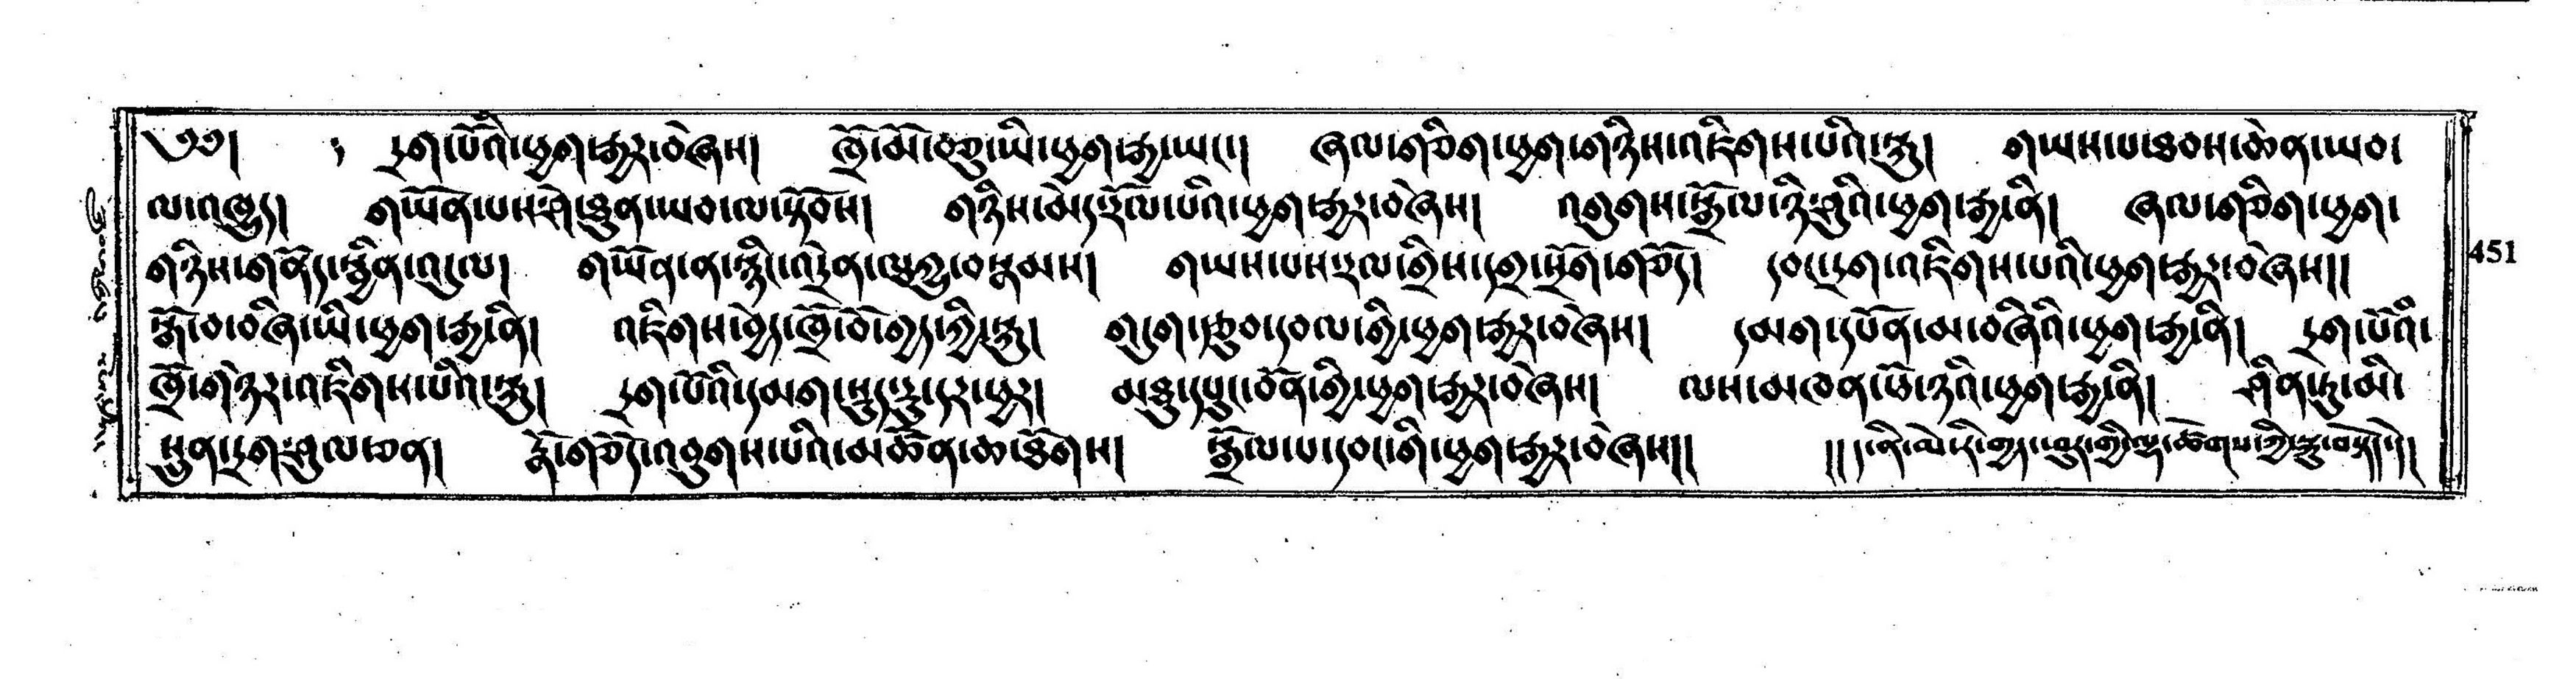དྲག་པོའི་ཕྱག་རྒྱར་བཞེས། ཁྲོ་མོ་བཅུ་ཡི་ཕྱག་རྒྱ་ཡང་། ཞལ་གཅིག་ཕྱག་གཉིས་འཇིགས་པའི་སྐུ། གཡས་པ་ཐབས་ཆེན་ཡབ་
ལ་འཁྱུད། གཡོན་པས་ཤེ་ཐུན་ཡབ་ལ་སྟོབས། གཉིས་མེད་རོལ་པའི་ཕྱག་རྒྱར་བཞེས། འགུགས་སྒྲོལ་ཉི་ཤུའི་ཕྱག་{464}རྒྱ་ནི། ཞལ་གཅིག་ཕྱག་
གཉིས་གནོད་སྦྱིན་འདུལ། གཡོན་ན་སྙིང་འདྲེན་ལྕག་ཀྱུ་བསྣམས། གཡས་པས་རལ་གྲིས་དགྲ་སྲོག་གཅོད། དབང་དྲག་འཇིགས་པའི་ཕྱག་རྒྱར་བཞེས། 
སྒོ་བ་བཞི་ཡི་ཕྱག་རྒྱ་ནི། འཇིགས་བྱེད་ཁྲོ་བོ་གྱད་ཀྱི་སྐུ། གདུག་རྩུབ་དབལ་གྱི་ཕྱག་རྒྱར་བཞེས། དམག་དཔོན་མ་བཞིའི་ཕྱག་རྒྱ་ནི། དྲག་པོའི་ཁྲོ་གཉེར་འཇིགས་པའི་སྐུ། དྲག་པོའི་
དམག་སྡུད་རུ་དར་ཕྱར། མཐུ་དཔུང་བོན་གྱི་ཕྱག་རྒྱར་བཞེས། ལས་མཁན་ཕོ་ཉའི་ཕྱག་རྒྱ་ནི། ཤིན་ཏུ་མི་
སྲུན་དྲག་ཤུལ་ཅན། རྣོ་གཅོད་འབུགས་པའི་མཚོན་ཆ་ཐོགས། སྒྲོལ་བ་དབང་གི་ཕྱག་རྒྱར་བཞེས།། ད་ནི་མེ་རི་གྱད་ཕུར་གྱི་ལྷ་ཚོགས་ཀྱི་སྐུ་བསྟོད་དེ།